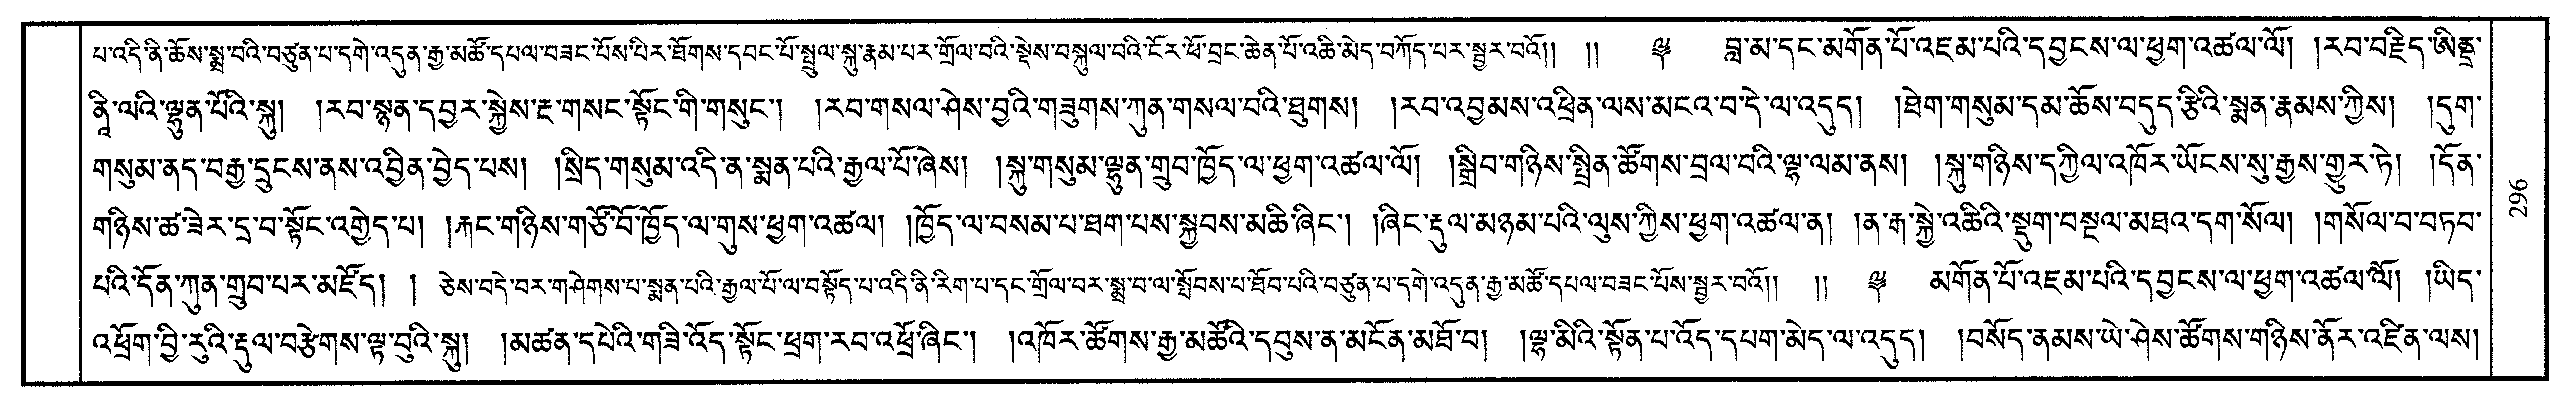པ་འདི་ནི་ཆོས་སྨྲ་བའི་བཙུན་པ་དགེ་འདུན་རྒྱ་མཚོ་དཔལ་བཟང་པོས་པིར་ཐོགས་དབང་པོ་སྤྲུལ་སྐུ་རྣམ་པར་གྲོལ་བའི་སྡེས་བསྐུལ་བའི་ངོར་ཕོ་བྲང་ཆེན་པོ་འཆི་མེད་བཀོད་པར་སྦྱར་བའོ།། །། ༈ བླ་མ་དང་མགོན་པོ་འཇམ་པའི་དབྱངས་ལ་ཕྱག་འཚལ་ལོ། །རབ་བརྗིད་ཨིནྡྲ་
ནཱི་ལའི་ལྷུན་པོའི་སྐུ། །རབ་སྙན་དབྱར་སྐྱེས་རྔ་གསང་སྟོང་གི་གསུང་། །རབ་གསལ་ཤེས་བྱའི་གཟུགས་ཀུན་གསལ་བའི་ཐུགས། །རབ་འབྱམས་འཕྲིན་ལས་མངའ་བ་དེ་ལ་འདུད། །ཐེག་གསུམ་དམ་ཆོས་བདུད་རྩིའི་སྨན་རྣམས་ཀྱིས། །དུག་
གསུམ་ནད་བརྒྱ་དྲུངས་ནས་འབྱིན་བྱེད་པས། །སྲིད་གསུམ་འདི་ན་སྨན་པའི་རྒྱལ་པོ་ཞེས། །སྐུ་གསུམ་ལྷུན་གྲུབ་ཁྱོད་ལ་ཕྱག་འཚལ་ལོ། །སྒྲིབ་གཉིས་སྤྲིན་ཚོགས་བྲལ་བའི་ལྷ་ལམ་ནས། །སྐུ་གཉིས་དཀྱིལ་འཁོར་ཡོངས་སུ་རྒྱས་གྱུར་ཏེ། །དོན་
གཉིས་ཚ་ཟེར་དྲ་བ་སྟོང་འགྱེད་པ། །རྐང་གཉིས་གཙོ་བོ་ཁྱོད་ལ་གུས་ཕྱག་འཚལ། །ཁྱོད་ལ་བསམ་པ་ཐག་པས་སྐྱབས་མཆི་ཞིང་། །ཞིང་རྡུལ་མཉམ་པའི་ལུས་ཀྱིས་ཕྱག་འཚལ་ན། །ན་རྒ་སྐྱེ་འཆིའི་སྡུག་བསྔལ་མཐའ་དག་གསོལ། །གསོལ་བ་བཏབ་
པའི་དོན་ཀུན་གྲུབ་པར་མཛོད། །ཅེས་བདེ་བར་གཤེགས་པ་སྨན་པའི་རྒྱལ་པོ་ལ་བསྟོད་པ་འདི་ནི་རིག་པ་དང་གྲོལ་བར་སྨྲ་བ་ལ་སྤོབས་པ་ཐོབ་པའི་བཙུན་པ་དགེ་འདུན་རྒྱ་མཚོ་དཔལ་བཟང་པོས་སྦྱར་བའོ།། །། ༈ མགོན་པོ་འཇམ་པའི་དབྱངས་ལ་ཕྱག་འཚལ་ལོ། །ཡིད་
འཕྲོག་བྱི་རུའི་རྡུལ་བརྩེགས་ལྟ་བུའི་སྐུ། །མཚན་དཔེའི་གཟི་འོད་སྟོང་ཕྲག་རབ་འཕྲོ་ཞིང་། །འཁོར་ཚོགས་རྒྱ་མཚོའི་དབུས་ན་མངོན་མཐོ་བ། །ལྷ་མིའི་སྟོན་པ་འོད་དཔག་མེད་ལ་འདུད། །བསོད་ནམས་ཡེ་ཤེས་ཚོགས་གཉིས་ནོར་འཛིན་ལས།